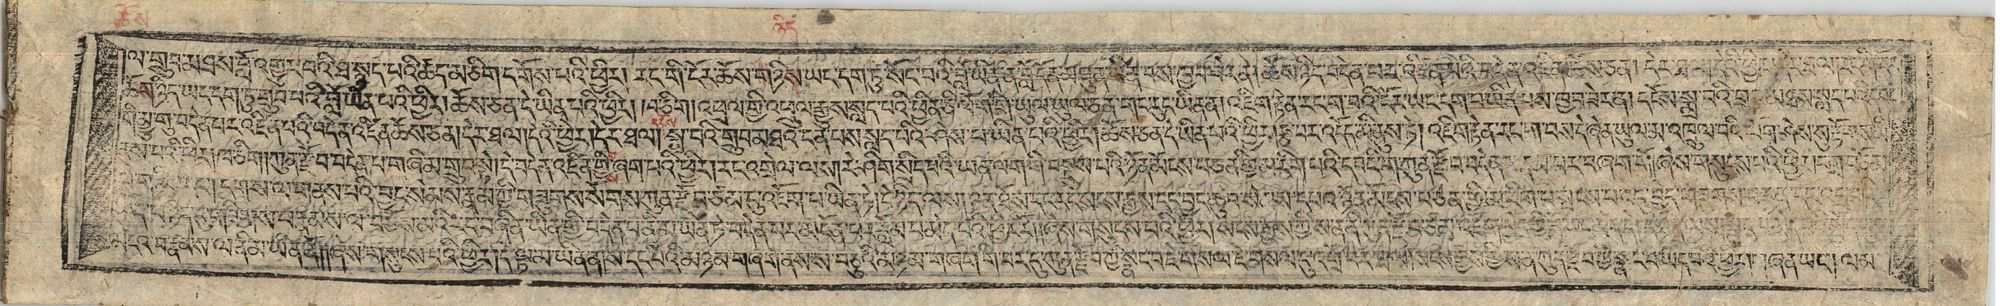ལ་གྲུབ་མཐས་བློ་འགྱུར་བའི་ཐ་སྙད་པའི་ཚད་མ་ཅིག་དགོས་པའི་ཕྱིར། རང་གི་ངོར་ཆོས་ཉིད་ཡང་དག་ཏུ་སོང་བའི་བློ་ཡིན་ན་བློ་དོན་མཐུན་ཡིན་པས་ཁྱབ་ཟེར་ན། ཆོས་ཉིད་བདེན་པར་འཛིན་པའི་བདེན་འཛིན་ཆོས་ཅན། དེར་ཐལ། དེའི་ཕྱིར། དེར་ཐལ། རང་གི་ངོར་
ཆོས་ཉིད་ཡང་དག་ཏུ་གྲུབ་པའི་བློ་ཡིན་པའི་ཕྱིར། ཆོས་ཅན་དེ་ཡིན་པའི་ཕྱིར། ཁ་ཅིག ། འཕྲལ་གྱི་འཕྲུལ་རྒྱུས་སླད་པའི་ཕྱིན་ཅི་ལོག་གི་ཡུལ་ཡུལ་ཅན་གང་རུང་ཡིན་ན། འཇིག་རྟེན་རང་ག་བའི་ངོར་ཡང་དག་པ་མ་ཡིན་པས་ཁྱབ་ཟེར་ན། དངོས་སྨྲ་བའི་གྲུབ་མཐས་སླད་པའི་དབང་
གི་མྱུ་གུ་བདེན་པར་འཛིན་པའི་བདེན་འཛིན་ཆོས་ཅན། དེར་ཐལ། དེའི་ཕྱེར།དེར་ཐལ། དངོས་སྨྲ་བའི་གྲུབ་མཐའ་ངན་པས་སླད་པའི་ཤེས་པ་ཡིན་པའི་ཕྱིར། ཆོས་ཅན་དེ་ཡིན་པའི་ཕྱིར། རྩ་བར་འདོད་མི་ནུས་ཏེ། འཇིག་རྟེན་རང་ག་བས་དེ་ཞེན་ཡུལ་ལ་མ་འཁྲུལ་བའི་ལོག་ཤེས་སུ་རྟོགས་མི་
ནུས་པའི་ཕྱིར། ཁ་ཅིག ། ཀུན་རྫོབ་བདེན་པ་གཞི་མ་གྲུབ་སྟེ། དེ་བདེན་འཛིན་གྱིས་ཞགྤའི་ཕྱིར། རང་འགྲེལ་ལས། རེ་ཤིག་སྲིད་པའི་ཡན་ལག་གིས་བསྡུས་པའི་ཉོན་མོངས་པ་ཅན་གྱི་མ་རིག་པའི་དབང་གིས་ཀུན་རྫོབ་བདེན་པ་རྣམ་པར་བཞག་གོ ། ཞེས་གསུངས་པའི་ཕྱིར། དགྲ་བཅོམ་
པ་གཉིས་དང་། དག་ས་ལ་གནས་པའི་བྱང་སེམས་རྣམ་གྱི་?་གཟུགས་སོགས་ཀུན་རྫོབ་ཙམ་དུ་འཇོག་པ་ཡིན་ཏེ། དེ་ཉིད་ལས། ཉན་ཐོས་དང་རང་སངས་རྒྱས་དང་བྱང་ཆུབ་སེམས་དཔའ་ཉོན་མོངས་པ་ཅན་གྱི་མ་རིག་པ་སྤངས་པ་འདུ་བྱེད་གཟུགས་བརྙན་དང་འདྲ་བའི་
ཡོད་པ་ཉིད་དུ་གཟིགས་པ་རྣམས་ལ་བཅོས་མའི་རང་བཞིན་ཡིན་གྱི་བདེན་པ་ནི་མ་ཡིན་ཏེ་བདེན་པར་མངོན་པར་རློམ་པ་མེད་པའི་ཕྱིར་རོ། །ཞེས་གསུངས་པའི་ཕྱིར། སངས་རྒྱས་ཀྱིས་ན་ནི་ཀུན་རྫོབ་ཙམ་འཇོག་བྱེད་ཀྱི་བློ་ཡང་མེད་དེ། དེ་ཉིད་ལས། སྣང་བ་མེད་པའི་སྤྱོད་ཡུལ་
མངའ་བ་རྣམས་ལ་ནི་མ་ཡིན་ནོ། །ཞེས་གསུངས་པའི་ཕྱིར། དེ་ལྟ་མ་ཡིན་ན། ས་དང་པོའི་མཉམ་གཞག་ནས་ས་བཅུའི་མཉམ་གཞག་གི་བར་དུ་ཀུན་རྫོབ་ཀྱི་སྣང་བ་ཇེ་གསལ་ཇེ་གསལ་དུ་འགྲོ་བར་ཐལ་སངས་རྒྱས་ཀྱི་ས་ན་ཀུན་རྫོབ་ཀྱི་སྣང་བ་ཡོད་པའི་ཕྱིར། གཞན་ཡང་། ལམ་